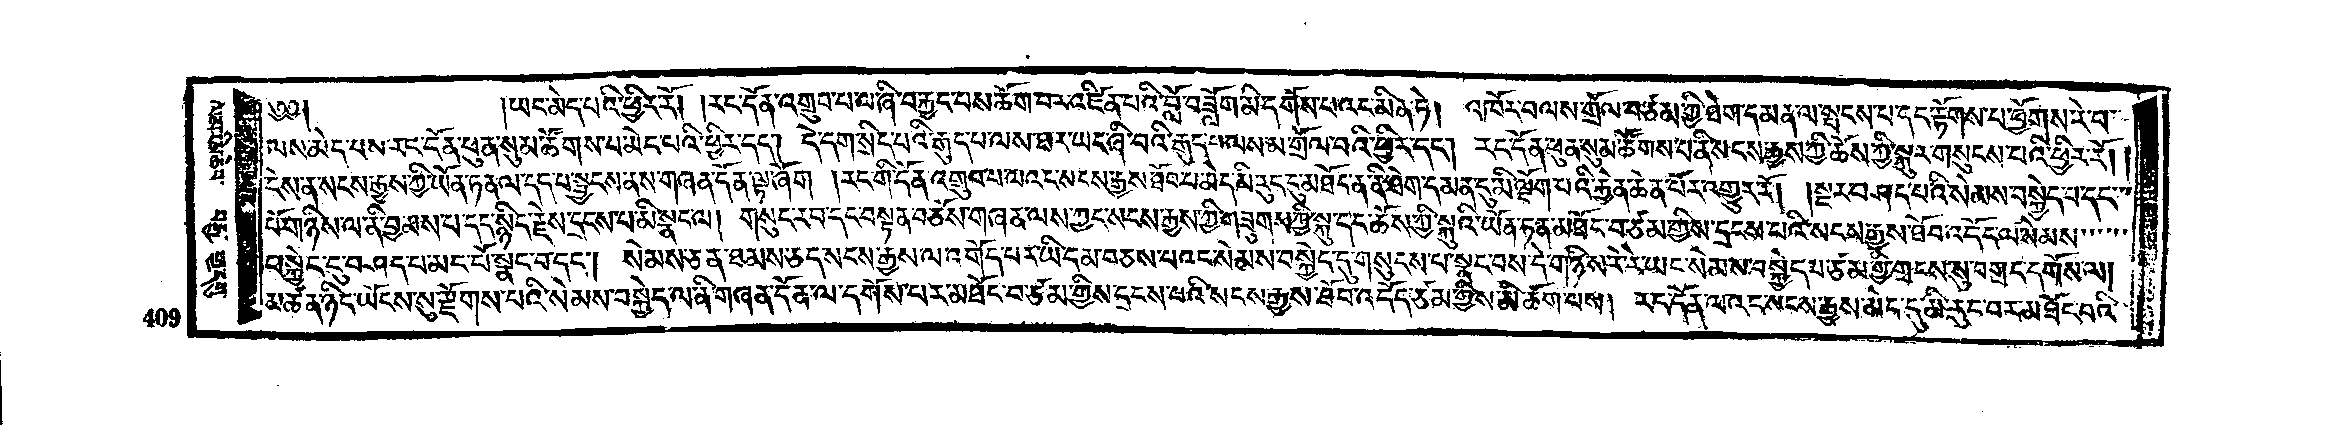༄༅། །ཡང་མེད་པའི་ཕྱིར་རོ། །རང་དོན་འགྲུབ་པ་ལ་ཞི་བ་རྐྱང་པས་ཆོག་པར་འཛིན་པའི་བློ་བཟློག་མི་དགོས་པའང་མིན་ཏེ། འཁོར་བ་ལས་གྲོལ་བ་ཙམ་གྱི་ཐེག་དམན་ལ་སྤངས་པ་དང་རྟོགས་པ་ཕྱོགས་རེ་བ་
ལས་མེད་པས་རང་དོན་ཕུན་སུམ་ཚོགས་པ་མེད་པའི་ཕྱིར་དང་། དེ་དག་སྲིད་པའི་རྒུད་པ་ལས་ཐར་ཡང་ཞི་བའི་རྒུད་པ་ལས་མ་གྲོལ་བའི་ཕྱིར་དང་། རང་དོན་ཕུན་སུམ་ཚོགས་པ་ནི་སངས་རྒྱས་ཀྱི་ཆོས་ཀྱི་སྐུར་གསུངས་པའི་ཕྱིར་རོ། །
དེས་ན་སངས་རྒྱས་ཀྱི་ཡོན་ཏན་ལ་དད་པ་སྦྱངས་ནས་གཞན་དོན་ལྟ་ཞོག །རང་གི་དོན་འགྲུབ་པ་ལའང་སངས་རྒྱས་ཐོབ་པ་མེད་མི་རུང་དུ་མཐོང་ན་ནི་ཐེག་དམན་དུ་མི་ལྡོག་པའི་རྐྱེན་ཆེན་པོར་འགྱུར་རོ། །སྔར་བཤད་པའི་སེམས་བསྐྱེད་པ་དང་
པོ་གཉིས་ལ་ནི་བྱམས་པ་དང་སྙིང་རྗེས་དྲངས་པ་མི་སྣང་ལ། གསུང་རབ་དང་བསྟན་བཅོས་གཞན་ལས་ཀྱང་སངས་རྒྱས་ཀྱི་གཟུགས་ཀྱི་སྐུ་དང་ཆོས་ཀྱི་སྐུའི་ཡོན་ཏན་མཐོང་བ་ཙམ་གྱིས་དྲངས་པའི་སངས་རྒྱས་ཐོབ་འདོད་ལ་སེམས་
བསྐྱེད་དུ་བཤད་པ་མང་པོ་སྣང་བ་དང་། སེམས་ཅན་ཐམས་ཅད་སངས་རྒྱས་ལ་འགོད་པར་ཡི་དམ་བཅས་པའང་སེམས་བསྐྱེད་དུ་གསུངས་པ་སྣང་བས་དེ་གཉིས་རེ་རེ་ཡང་སེམས་བསྐྱེད་པ་ཙམ་གྱི་གྲངས་སུ་བགྲང་དགོས་ལ།
མཚན་ཉིད་ཡོངས་སུ་རྫོགས་པའི་སེམས་བསྐྱེད་ལ་ནི་གཞན་དོན་ལ་དགོས་པར་མཐོང་བ་ཙམ་གྱིས་དྲངས་པའི་སངས་རྒྱས་ཐོབ་འདོད་ཙམ་གྱིས་མི་ཆོག་པས། རང་དོན་ལའང་སངས་རྒྱས་མེད་དུ་མི་རུང་བར་མཐོང་བའི་